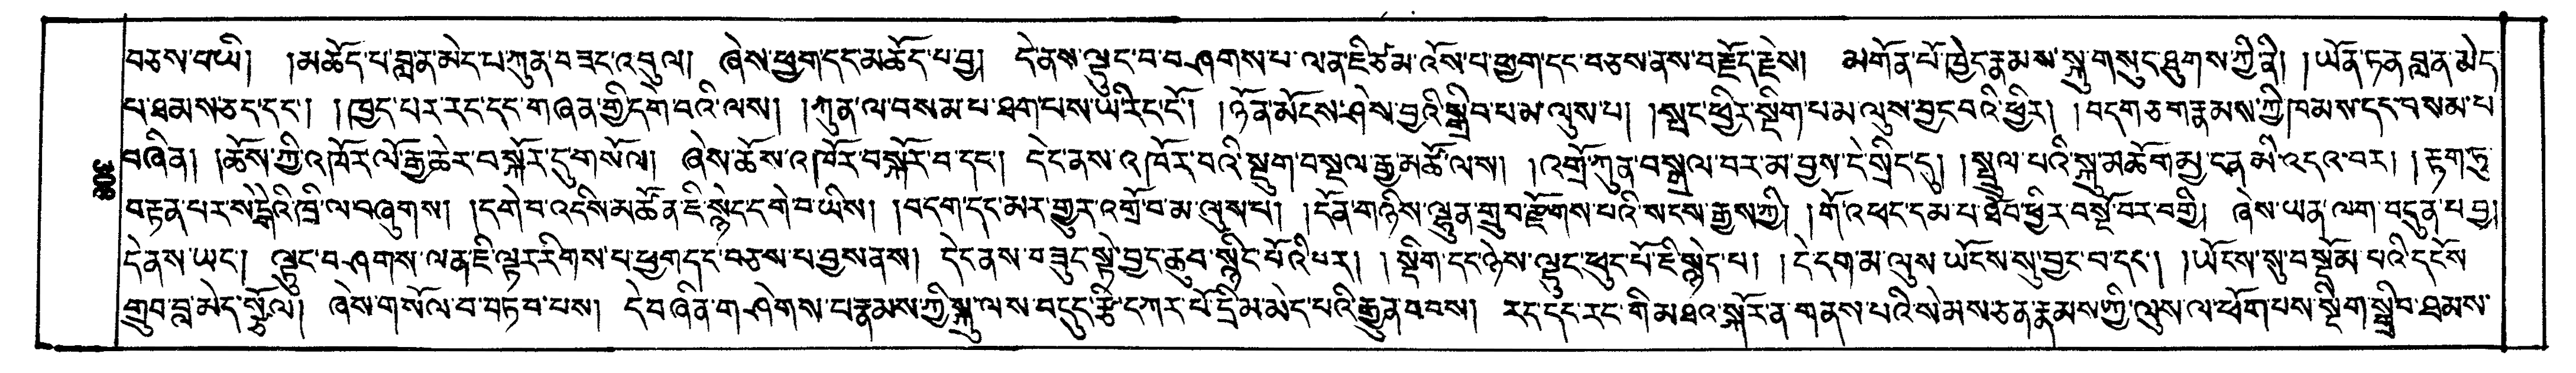བཅས་པ་ཡི། །མཆོད་པབླ་ན་མེ་དཔ་ཀུན་བཟང་འབུལ། ཞེ་ཕྱག་དང་མཆོད་པ་བྱ། དེ་ནས་ལྟུང་བ་བཤགས་པ་ལན་ཇི་ཙམ་འོས་པ་ཕྱག་དང་བཅས་ནས་བརྗོད་རྗེས། མགོན་པོ་ཁྱོད་རྣམས་སྐུ་གསུང་ཐུགས་ཀྱི་ནི། །ཡོན་ཏན་བླ་ན་མེད་
པ་ཐམས་ཅད་དང་། །ཁྱད་པར་རང་དང་གཞན་གྱི་དགེ་བའི་ལས། །ཀུན་ལ་བསམ་པ་ཐག་པས་ཡི་རང་ངོ། །ཉོན་མོངས་ཤེས་བྱའི་སྒྲིབ་པ་མ་ལུས་པ། །སྤོང་ཕྱིར་སྡིག་པ་མ་ལུས་བྱང་བའི་ཕྱིར། །བདག་ཅག་རྣམས་ཀྱི་ཁམས་དང་བསམ་པ་
བཞིན། །ཆོས་ཀྱི་འཁོར་ལོ་རྒྱ་ཆེར་བསྐོར་དུ་གསོལ། ཞེས་ཆོས་འཁོར་བསྐོར་བ་དང་། དེང་ནས་འཁོར་བའི་སྡུག་བསྔལ་རྒྱ་མཆོ་ལས། །འགྲོ་ཀུན་བསྒྲལ་བར་མ་བྱས་དེ་སྲིད་དུ། །སྤྲུལ་པའི་སྐུ་མཆོག་མྱ་ངན་མི་འདའ་བར། །རྟག་ཏུ་
བརྟན་པར་སེངྒེའི་ཁྲི་ལ་བཞུགས། །དགེ་བ་འདིས་མཚོན་ཇི་སྙེད་དགེ་བ་ཡིས། །བདག་དང་མར་གྱུར་འགྲོ་བ་མ་ལུས་པ། །དོན་གཉིས་ལྷུན་གྲུབ་རྫོགས་པའི་སངས་རྒྱས་ཀྱི། །གོ་འཕང་དམ་པ་ཐོབ་ཕྱིར་བསྔོ་བར་བགྱི། ཞེས་ཡན་ལག་བདུན་པ་བྱ།
དེ་ནས་ཡང་། ལྟུང་བཤགས་ལན་ཇི་ལྟར་རིགས་པ་ཕྱག་དང་བཅས་པ་བྱས་ནས། དེང་ནས་བཟུང་སྟེ་བྱང་ཆུབ་སྙིང་པོའི་བར། །སྡིག་དང་ཉེས་ལྟུང་ཕུང་པོ་ཇི་སྙེད་པ། །དེ་དག་མ་ལུས་ཡོངས་སུ་བྱང་བ་དང་། །ཡོངས་སུ་བསྡོམ་པའི་དངོས་
གྲུབ་བླ་མེད་སྩོལ། ཞེས་གསོལ་བ་བཏབ་པས། དེ་བཞིན་གཤེགས་པ་རྣམས་ཀྱི་སྐུ་ལས་བདུད་རྩི་དཀར་པོ་དྲི་མ་མེད་པའི་རྒྱུན་བབས། རང་དང་རང་གི་མཐའ་སྐོར་ན་གནས་པའི་སེམས་ཅན་རྣམས་ཀྱི་ལུས་ལ་ཕོག་པས་སྡིག་སྒྲིབ་ཐམས་